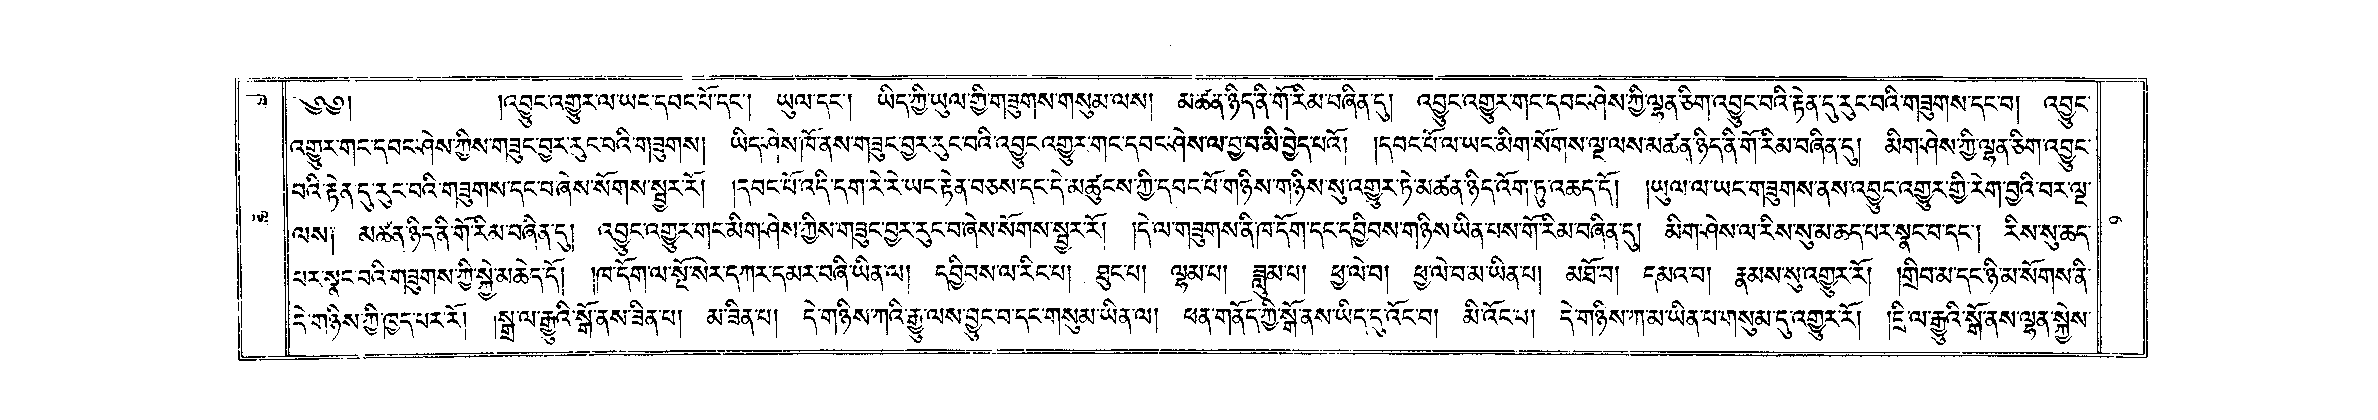༄༅། །འབྱུང་འགྱུར་ལ་ཡང་དབང་པོ་དང་། ཡུལ་དང་། ཡིད་ཀྱི་ཡུལ་གྱི་གཟུགས་གསུམ་ལས། མཚན་ཉིད་ནི་གོ་རིམ་བཞིན་དུ། འབྱུང་འགྱུར་གང་དབང་ཤེས་ཀྱི་ལྷན་ཅིག་འབྱུང་བའི་རྟེན་དུ་རུང་བའི་གཟུགས་དང་བ། འབྱུང་
འགྱུར་གང་དབང་ཤེས་ཀྱིས་གཟུང་བྱར་རུང་བའི་གཟུགས། ཡིད་ཤེས་ཁོ་ནས་གཟུང་བྱར་རུང་བའི་འབྱུང་འགྱུར་གང་དབང་ཤེས་ལ་བྱ་བ་མི་བྱེད་པའོ། །དབང་པོ་ལ་ཡང་མིག་སོགས་ལྔ་ལས་མཚན་ཉིད་ནི་གོ་རིམ་བཞིན་དུ། མིག་ཤེས་ཀྱི་ལྷན་ཅིག་འབྱུང་
བའི་རྟེན་དུ་རུང་བའི་གཟུགས་དང་བ་ཞེས་སོགས་སྦྱར་རོ། །དབང་པོ་འདི་དག་རེ་རེ་ཡང་རྟེན་བཅས་དང་དེ་མཚུངས་ཀྱི་དབང་པོ་གཉིས་གཉིས་སུ་འགྱུར་ཏེ་མཚན་ཉིད་འོག་ཏུ་འཆད་དོ། །ཡུལ་ལ་ཡང་གཟུགས་ནས་འབྱུང་འགྱུར་གྱི་རེག་བྱའི་བར་ལྔ་
ལས༑ མཚན་ཉིད་ནི་གོ་རིམ་བཞིན་དུ། འབྱུང་འགྱུར་གང་མིག་ཤེས་ཀྱིས་གཟུང་བྱར་རུང་བ་ཞེས་སོགས་སྦྱར་རོ། །དེ་ལ་གཟུགས་ནི་ཁ་དོག་དང་དབྱིབས་གཉིས་ཡིན་པས་གོ་རིམ་བཞིན་དུ། མིག་ཤེས་ལ་རིས་སུ་མ་ཆད་པར་སྣང་བ་དང་། རིས་སུ་ཆད་
པར་སྣང་བའི་གཟུགས་ཀྱི་སྐྱེ་མཆེད་དོ། །ཁ་དོག་ལ་སྔོ་སེར་དཀར་དམར་བཞི་ཡིན་ལ། དབྱིབས་ལ་རིང་པ། ཐུང་པ། ལྷམ་པ། ཟླུམ་པ། ཕྱ་ལེ་བ། ཕྱ་ལེ་བ་མ་ཡིན་པ། མཐོ་བ། དམའ་བ། རྣམས་སུ་འགྱུར་རོ། །གྲིབ་མ་དང་ཉི་མ་སོགས་ནི་
དེ་གཉིས་ཀྱི་ཁྱད་པར་རོ། །སྒྲ་ལ་རྒྱུའི་སྒོ་ནས་ཟིན་པ། མ་ཟིན་པ། དེ་གཉིས་ཀའི་རྒྱུ་ལས་བྱུང་བ་དང་གསུམ་ཡིན་ལ། ཕན་གནོད་ཀྱི་སྒོ་ནས་ཡིད་དུ་འོང་བ། མི་འོང་པ། དེ་གཉིས་ཀ་མ་ཡིན་པ་གསུམ་དུ་འགྱུར་རོ། །དྲི་ལ་རྒྱུའི་སྒོ་ནས་ལྷན་སྐྱེས་